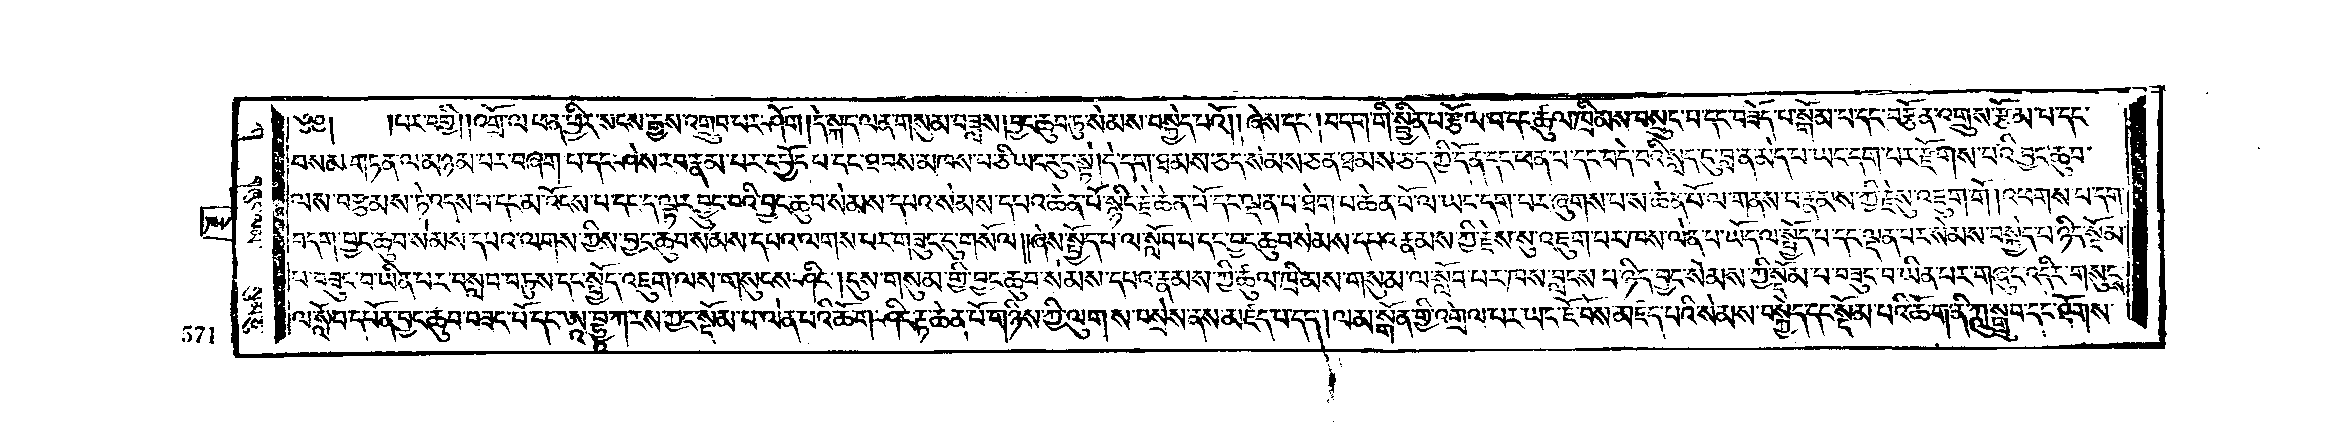༄༅། །པར་བགྱི། །འགྲོ་ལ་ཕན་ཕྱིར་སངས་རྒྱས་འགྲུབ་པར་ཤོག །དེ་སྐད་ལན་གསུམ་བཟླས། བྱང་ཆུབ་ཏུ་སེམས་བསྐྱེད་པའོ། །ཞེས་དང་།བདག་གི་སྦྱིན་པ་རྩོལ་བ་དང་ཚུལ་ཁྲིམས་བསྲུང་བ་དང་བཟོད་པ་སྒོམ་པ་དང་བརྩོན་འགྲུས་རྩོམ་པ་དང་
བསམ་གཏན་ལ་མཉམ་པར་བཞག་པ་དང་ཤེས་རབ་རྣམ་པར་དཔྱོད་པ་དང་ཐབས་མཁས་པ་ཅི་ཡང་རུང་སྟེ། དེ་དག་ཐམས་ཅད་སེམས་ཅན་ཐམས་ཅད་ཀྱི་དོན་དང་ཕན་པ་དང་བདེ་བའི་སླད་དུ་བླ་ན་མེད་པ་ཡང་དག་པར་རྫོགས་པའི་བྱང་ཆུབ་
ལས་བརྩམས་ཏེ་འདས་པ་དང་མ་འོངས་པ་དང་ད་ལྟར་བྱུང་བའི་བྱང་ཆུབ་སེམས་དཔའ་སེམས་དཔའ་ཆེན་པོ་སྙིང་རྗེ་ཆེན་པོ་དང་ལྡན་པ་ཐེག་པ་ཆེན་པོ་ལ་ཡང་དག་པར་ཞུགས་པ་ས་ཆེན་པོ་ལ་གནས་པ་རྣམས་ཀྱི་རྗེས་སུ་འཇུག་གོ །འཕགས་པ་དག་
བདག་བྱང་ཆུབ་སེམས་དཔའ་ལགས་ཀྱིས་བྱང་ཆུབ་སེམས་དཔའ་ལགས་པར་གཟུང་དུ་གསོལ། །ཞེས་སྤྱོད་པ་ལ་སློབ་པ་དང་བྱང་ཆུབ་སེམས་དཔའ་རྣམས་ཀྱི་རྗེས་སུ་འཇུག་པར་ཁས་ལེན་པ་ཡོད་ལ་སྤྱོད་པ་དང་ལྡན་པར་སེམས་བསྐྱེད་པ་ཉིད་སྡོམ་
པ་བཟུང་བ་ཡིན་པར་བསླབ་བཏུས་དང་སྤྱོད་འཇུག་ལས་གསུངས་ཤིང་། དུས་གསུམ་གྱི་བྱང་ཆུབ་སེམས་དཔའ་རྣམས་ཀྱི་ཚུལ་ཁྲིམས་གསུམ་ལ་སློབ་པར་ཁས་བླངས་པ་ཉིད་བྱང་སེམས་ཀྱི་སྡོམ་པ་བཟུང་བ་ཡིན་པར་གཟུང་འདིར་གསུངས་
ལ་སློབ་དཔོན་བྱང་ཆུབ་བཟང་པོ་དང་ཨཱ་བྷྱའ་ཀ་རས་ཀྱང་སྡོམ་པ་ལེན་པའི་ཆོ་ག་ཤིང་རྟ་ཆེན་པོ་གཉིས་ཀྱི་ལུགས་བསྲེས་ནས་མཛད་པ་དང་། ལམ་སྒྲོན་གྱི་འགྲེལ་པར་ཡང་ཇོ་བོས་མཛད་པའི་སེམས་བསྐྱེད་དང་སྡོམ་པའི་ཆོ་ག་ནི་ཀླུ་སྒྲུབ་དང་ཐོགས་